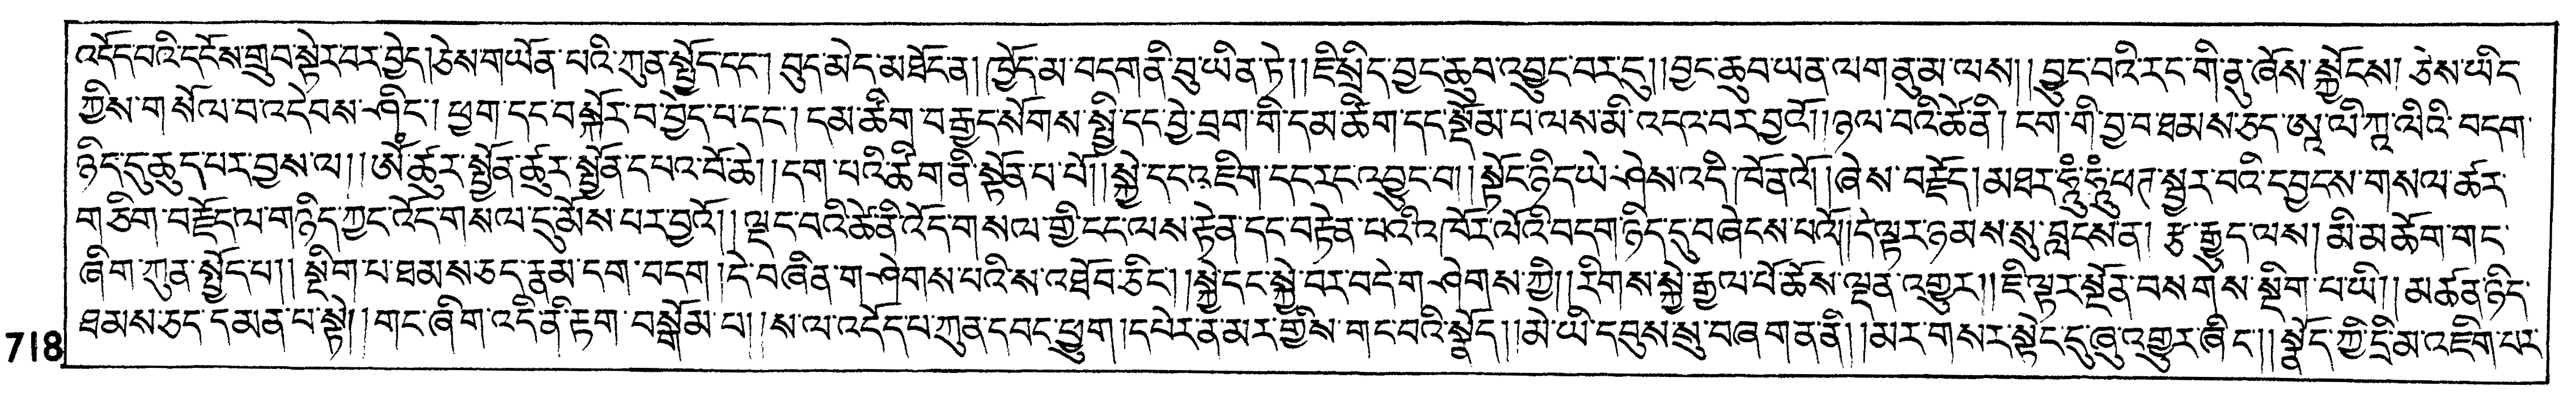འདོད་པའི་དངོས་གྲུབ་སྟེར་བར་བྱེད། ཅེས་གཡོན་པའི་ཀུན་སྤྱོད་དང་། བུད་མེད་མཐོང་ན། ཁྱོད་མ་བདག་ནི་བུ་ཡིན་ཏེ། །ཇི་སྲིད་བྱང་ཆུབ་འབྱུང་བར་དུ། །བྱང་ཆུབ་ཡན་ལག་ནུ་མ་ལས། །བྱུང་བའི་རང་གི་ནུ་ཞོས་སྐྱོངས། ཅེས་ཡིད་
ཀྱིས་གསོལ་བ་འདེབས་ཤིང་། ཕྱག་དང་བསྐོར་བ་བྱེད་པ་དང་། དམ་ཚིག་བརྒྱད་སོགས་སྤྱི་དང་བྱེ་བྲག་གི་དམ་ཚིག་དང་སྡོམ་པ་ལས་མི་འདའ་བར་བྱའོ། །ཉལ་བའི་ཚེ་ནི། ངག་གི་བྱ་བ་ཐམས་ཅད་ཨཱ་ལི་ཀཱ་ལིའི་བདག་
ཉིད་དུ་ཆུད་པར་བྱས་ལ། །ཨོཾ་ཚུར་སྤྱོན་ཚུར་སྦྱོན་དཔའ་བོ་ཆེ། །དག་པའི་ཚིག་ནི་སྟོན་པ་པོ། །སྐྱེ་དང་འཇིག་དང་རང་འབྱུང་བ། །སྟོང་ཉིད་ཡེ་ཤེས་འདི་ཁོ་ནའོ། །ཞེས་བརྗོད། མཐར་ཧཱུཾ་ཧཱུཾ་ཕཊ་སྦྱར་བའི་དབྱངས་གསལ་ཚར་
གཅིག་བརྗོད་ལ་གཉིད་ཀྱང་འོད་གསལ་དུ་མོས་པར་བྱའོ། །ལྡང་བའི་ཚེ་ནི་འོད་གསལ་གྱི་ངང་ལས་རྟེན་དང་བརྟེན་པའི་འཁོར་ལོའི་བདག་ཉིད་དུ་བཞེངས་པའོ། །དེ་ལྟར་ཉམས་སུ་བླངས་ན། རྩ་རྒྱུད་ལས། མི་མཆོག་གང་
ཞིག་ཀུན་སྤྱོད་པ། །སྡིག་པ་ཐམས་ཅད་རྣམ་དག་བདག །དེ་བཞིན་གཤེགས་པའི་ས་འཐོབ་ཅིང་། །སྐྱེ་དང་སྐྱེ་བར་བདེ་གཤེགས་ཀྱི། །རིགས་སྐྱེ་རྒྱལ་པོ་ཆོས་ལྡན་འགྱུར། །ཇི་ལྟར་སྔོན་བསགས་སྡིག་པ་ཡི། །མཚན་ཉིད་
ཐམས་ཅད་དམན་པ་སྟེ། །གང་ཞིག་འདི་ནི་རྟག་བསྒོམ་པ། །ས་ལ་འདོད་པ་ཀུན་དབང་ཕྱུག །དཔེར་ན་མར་གྱིས་གང་བའི་སྣོད། །མེ་ཡི་དབུས་སུ་བཞག་ན་ནི། །མར་གསར་སྟེང་དུ་ཞུ་འགྱུར་ཞིང་། །སྣོད་ཀྱི་དྲི་མ་འཇིག་པར་